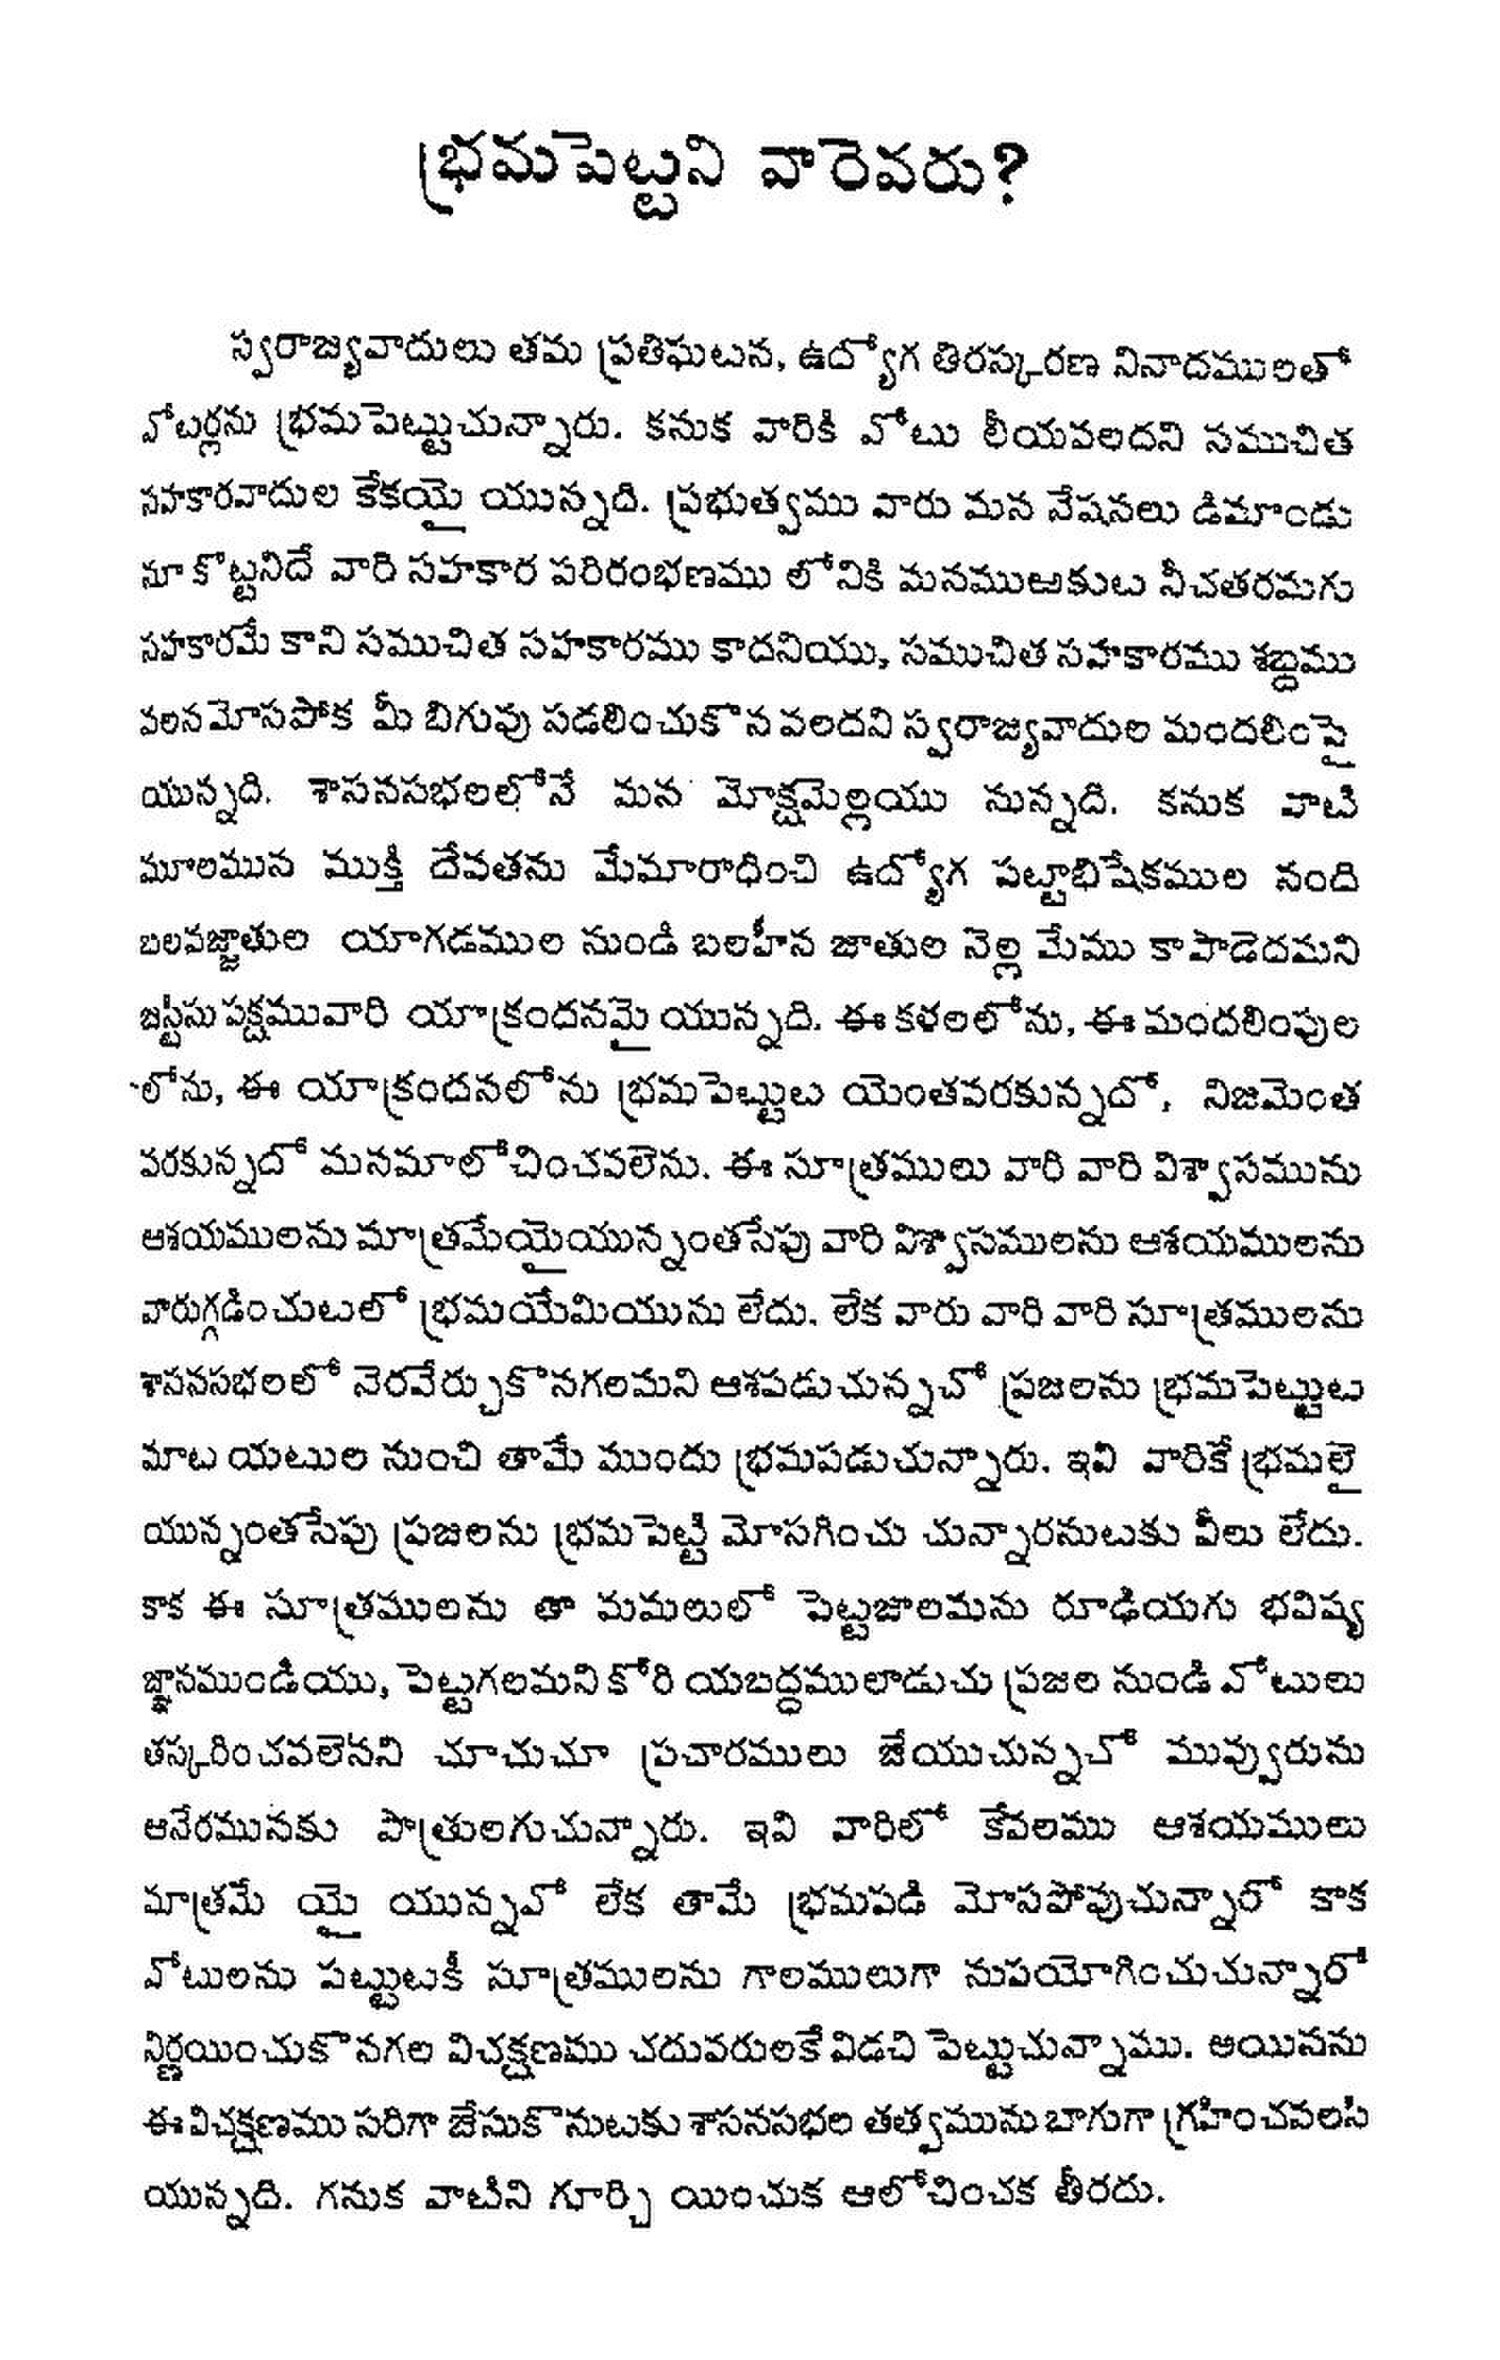భ్రమపెట్టని వారెవరు?

స్వరాజ్యవాదులు తమ ప్రత్రిఘటన, ఉద్యోగ తిరస్కరణ నినాదములతో వోటర్లను భ్రమపెట్టుచున్నారు. కనుక వారికి వోటు లీయవలదని సముచిత సహకారవాదుల కేకయై యున్నది. ప్రభుత్వము వారు మన నేషనలు డిమాండు నూకొట్టనిదే వారి సహకార పరిరంభణము లోనికి మనముఱకుట నీచతరమగు సహకారమే కాని సముచిత సహకారము కాదనియు, సముచిత సహకారము శబ్దము వలన మోసపోక మీ బిగువు సడలించుకొన వలదని స్వరాజ్యవాదుల మందలింపై యున్నది. శాసనసభలలోనే మన మోక్షమెల్లయు నున్నది. కనుక వాటి మూలమున ముక్తి దేవతను మేమారాధించి ఉద్యోగ పట్టాభిషేకముల నంది బలవజ్జాతుల యాగడముల నుండి బలహీన జాతుల నెల్ల మేము కాపాడెదమని జస్టిసుపక్షమువారి యాక్రందనమై యున్నది. ఈకళలలోను, ఈ మందలింపులలోను, ఈ యాక్రందనలోను భ్రమపెట్టుట యెంతవరకున్నదో, నిజమెంతవరకున్నదో మనమాలోచించవలెను. ఈ సూత్రములు వారి వారి విశ్వాసమును ఆశయములను మాత్రమేయైయున్నంతసేపు వారి విశ్వాసములను ఆశయములను వారుగ్గడించుటలో భ్రమయేమియును లేదు. లేక వారు వారి వారి సూత్రములను శాసనసభలలో నెరవేర్చుకొనగలమని ఆశపడుచున్నచో ప్రజలను భ్రమపెట్టుట మాట యటుల నుంచి తామే ముందు భ్రమపడుచున్నారు. ఇవి వారికే భ్రమలై యున్నంతసేపు ప్రజలను భ్రమపెట్టి మోసగించు చున్నారనుటకు వీలు లేదు. కాక ఈ సూత్రములను తా మమలులో పెట్టజాలమను రూఢియగు భవిష్యజ్ఞానముండియు, పెట్టగలమని కోరి యబద్ధములాడుచు ప్రజల నుండి వోటులు తస్కరించవలెనని చూచుచూ ప్రచారములు జేయుచున్నచో మువ్వురును ఆనేరమునకు పాత్రులగుచున్నారు. ఇవి వారిలో కేవలము ఆశయములు మాత్రమే యై యున్నవో లేక తామే భ్రమఫడి మోసపోవుచున్నారో కాక వోటులను పట్టుటకీ సూత్రములను గాలములుగా నుపయోగించుచున్నారో నిర్ణయించుకొనగల విచక్షణము చదువరులకే విడచి పెట్టుచున్నాము. అయినను ఈ విచక్షణము సరిగా జేసుకొనుటకు శాసనసభల తత్వమును బాగుగా గ్రహించవలసి యున్నది. గనుక వాటిని గూర్చి యించుక ఆలోచించక తీరదు.